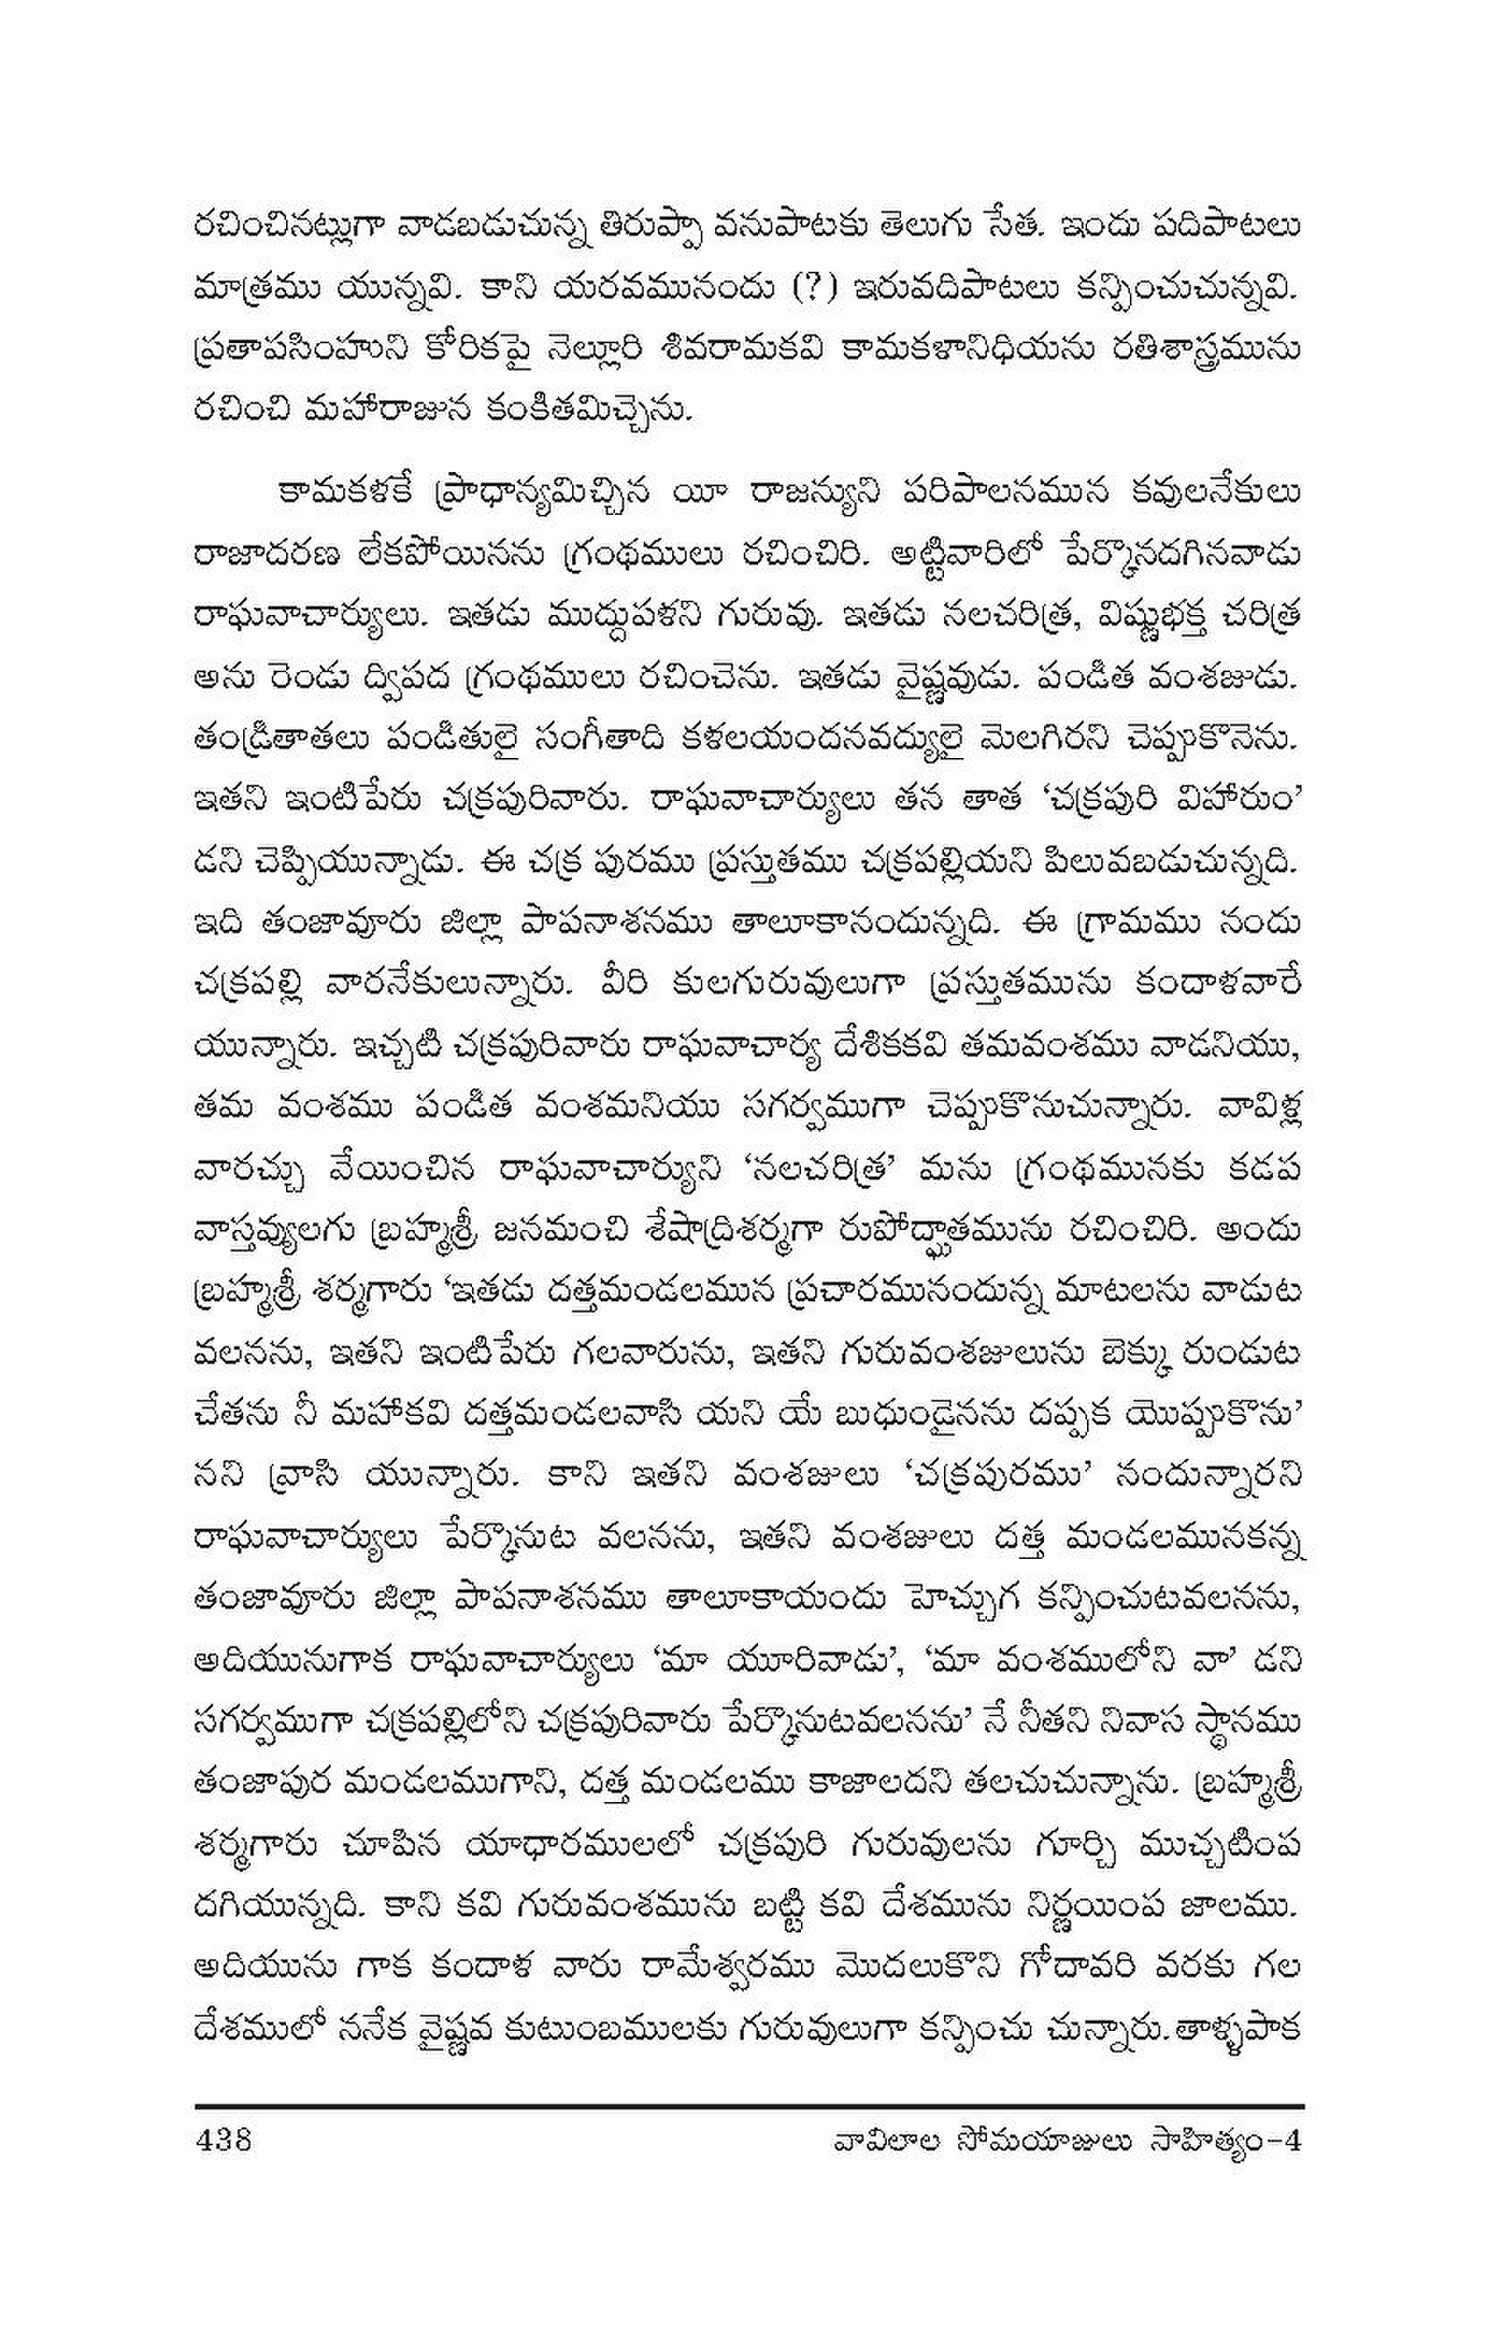రచించినట్లుగా వాడబడుచున్న తిరుప్పా వనుపాటకు తెలుగు సేత. ఇందు పదిపాటలు
మాత్రము యున్నవి. కాని యరవమునందు (?) ఇరువదిపాటలు కన్పించుచున్నవి.
ప్రతాపసింహుని కోరికపై నెల్లూరి శివరామకవి కామకళానిధియను రతిశాస్త్రమును
రచించి మహారాజున కంకితమిచ్చెను.

కామకళకే ప్రాధాన్యమిచ్చిన యీ రాజన్యుని పరిపాలనమున కవులనేకులు
రాజాదరణ లేకపోయినను గ్రంథములు రచించిరి. అట్టివారిలో పేర్కొనదగినవాడు
రాఘవాచార్యులు. ఇతడు ముద్దుపళని గురువు. ఇతడు నలచరిత్ర, విష్ణుభక్త చరిత్ర
అను రెండు ద్విపద గ్రంథములు రచించెను. ఇతడు వైష్ణవుడు. పండిత వంశజుడు.
తండ్రితాతలు పండితులై సంగీతాది కళలయందనవద్యులై మెలగిరని చెప్పుకొనెను.
ఇతని ఇంటిపేరు చక్రపురివారు. రాఘవాచార్యులు తన తాత 'చక్రపురి విహారుం'
డని చెప్పియున్నాడు. ఈ చక్ర పురము ప్రస్తుతము చక్రపల్లియని పిలువబడుచున్నది.
తంజావూరు జిల్లా పాపనాశనము తాలూకానందున్నది. ఈ గ్రామము నందు
చక్రపల్లి వారనేకులున్నారు. వీరి కులగురువులుగా ప్రస్తుతమును కందాళవారే
యున్నారు. ఇచ్చటి చక్రపురివారు రాఘవాచార్య దేశికకవి తమవంశము వాడనియు,
తమ వంశము పండిత వంశమనియు సగర్వముగా చెప్పుకొనుచున్నారు. వావిళ్ల
వారచ్చు వేయించిన రాఘవాచార్యుని 'నలచరిత్ర' మను గ్రంథమునకు కడప
వాస్తవ్యులగు బ్రహ్మశ్రీ జనమంచి శేషాద్రిశర్మగా రుపోద్ఘాతమును రచించిరి. అందు
బ్రహ్మశ్రీ శర్మగారు 'ఇతడు దత్తమండలమున ప్రచారమునందున్న మాటలను వాడుట
వలనను, ఇతని ఇంటిపేరు గలవారును, ఇతని గురువంశజులును బెక్కు రుండుట
చేతను నీ మహాకవి దత్తమండలవాసి యని యే బుధుండైనను దప్పక యొప్పుకొను'
నని వ్రాసి యున్నారు. కాని ఇతని వంశజులు 'చక్రపురము' నందున్నారని
రాఘవాచార్యులు పేర్కొనుట వలనను, ఇతని వంశజులు దత్త మండలమునకన్న
తంజావూరు జిల్లా పాపనాశనము తాలూకాయందు హెచ్చుగ కన్పించుటవలనను,
అదియునుగాక రాఘవాచార్యులు 'మా యూరివాడు', 'మా వంశములోని వా' డని
సగర్వముగా చక్రపల్లిలోని చక్రపురివారు పేర్కొనుటవలనను' నే నీతని నివాస స్థానము
తంజాపుర మండలముగాని, దత్త మండలము కాజాలదని తలచుచున్నాను. బ్రహ్మశ్రీ
శర్మగారు చూపిన యాధారములలో చక్రపురి గురువులను గూర్చి ముచ్చటింప
దగియున్నది. కాని కవి గురువంశమును బట్టి కవి దేశమును నిర్ణయింప జాలము.
అదియును గాక కందాళ వారు రామేశ్వరము మొదలుకొని గోదావరి వరకు గల
దేశములో ననేక వైష్ణవ కుటుంబములకు గురువులుగా కన్పించు చున్నారు. తాళ్ళపాక